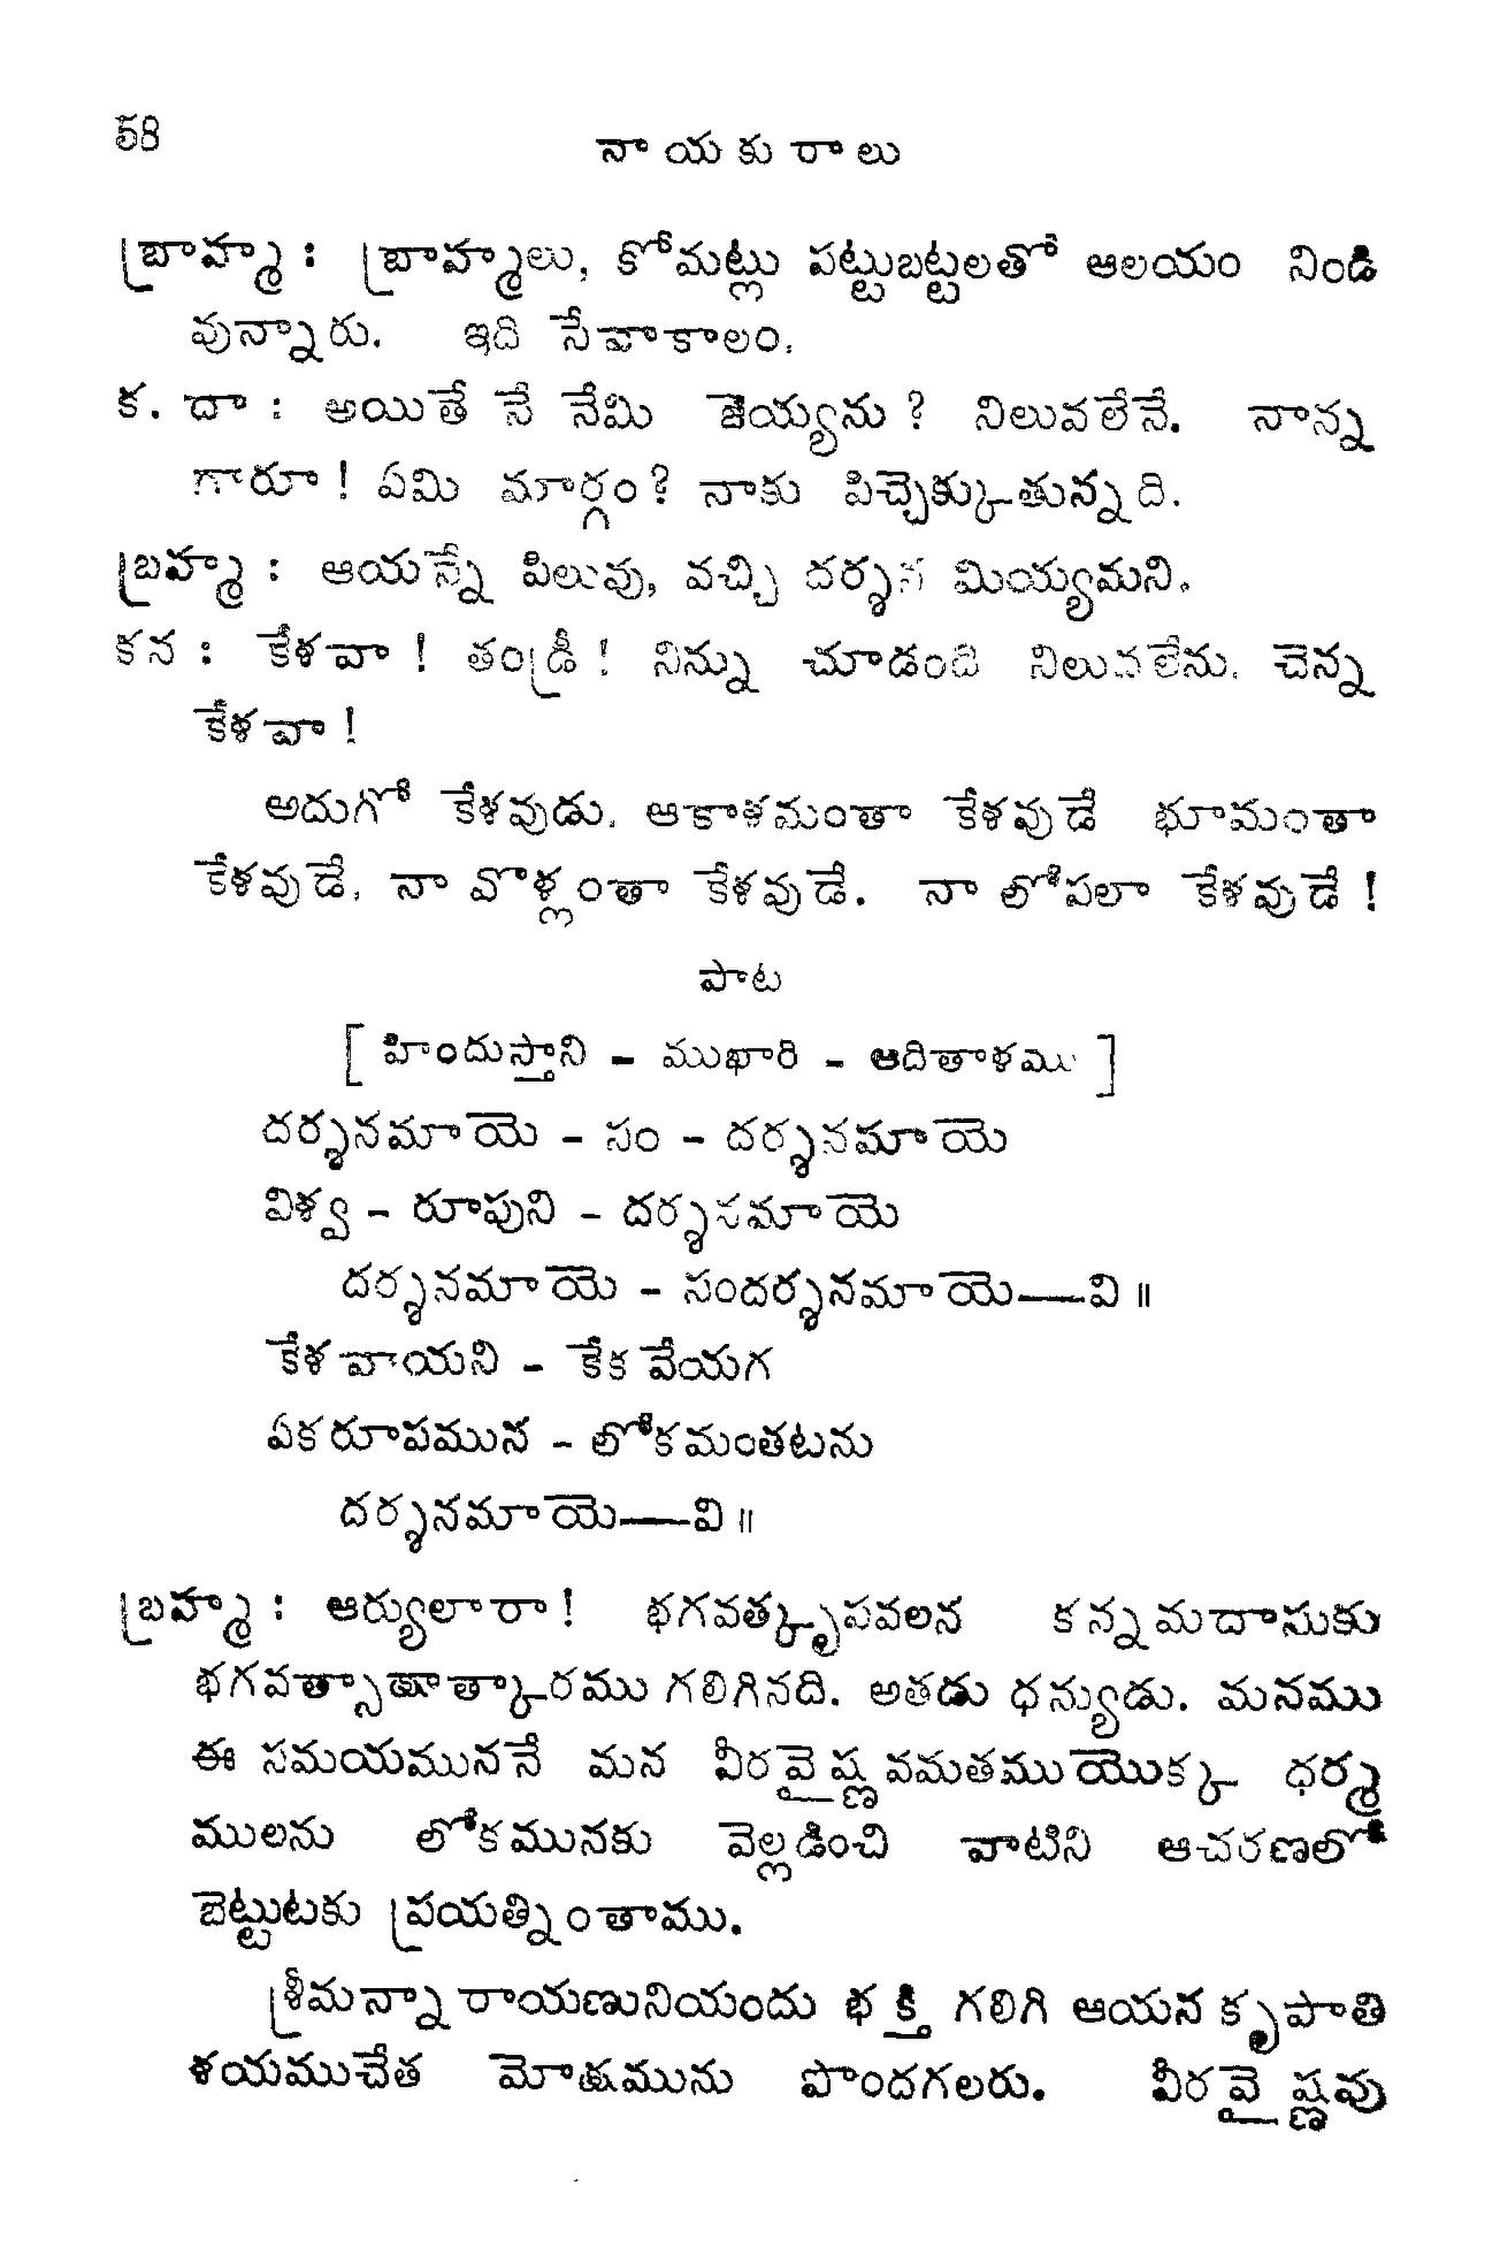బ్రాహ్మ : బ్రాహ్మలు, కోమట్లు పట్టుబట్టలతో ఆలయం నిండివున్నారు. ఇది సేవాకాలం.

క. దా : అయితే నే నేమీ జెయ్యను ? నిలువలేనే. నాన్నగారూ ! ఏమి మార్గం? నాకు పిచ్చెక్కుతున్నది.

బ్రహ్మ : ఆయన్నే పిలువు, వచ్చి దర్శన మియ్యమని,

కన : కేశవా ! తండ్రీ ! నిన్ను చూడంది నిలువలేను. చెన్నకేశవా!

అదుగో కేశవుడు. ఆకాశమంతా కేశవుడే భూమంతా కేశవుడే, నా వొళ్లంతా కేశవుడే. నా లోపలా కేశవుడే !

 దర్శనమాయె - సం - దర్శనమాయె
 విశ్వ - రూపుని - దర్శనమాయె
 దర్శనమాయె - సందర్శనమాయె - వి ||
 కేశవాయని - కేక వేయగ
 ఏకరూపమున - లోకమంతటను
 దర్శనమాయె - వి||
బ్రహ్మ : ఆర్యులారా! భగవత్కృపవలన కన్నమదాసుకు భగవత్సాక్షాత్కారము గలిగినది. అతడు ధన్యుడు. మనము ఈ సమయముననే మన వీరవైష్ణవమతముయొక్క ధర్మములను లోకమునకు వెల్లడించి వాటిని ఆచరణలో బెట్టుటకు ప్రయత్నించాము.

శ్రీమన్నారాయణునియందు భక్తి గలిగి ఆయన కృపాతిశయముచేత మోక్షమును పొందగలరు. వీరవైష్ణవు